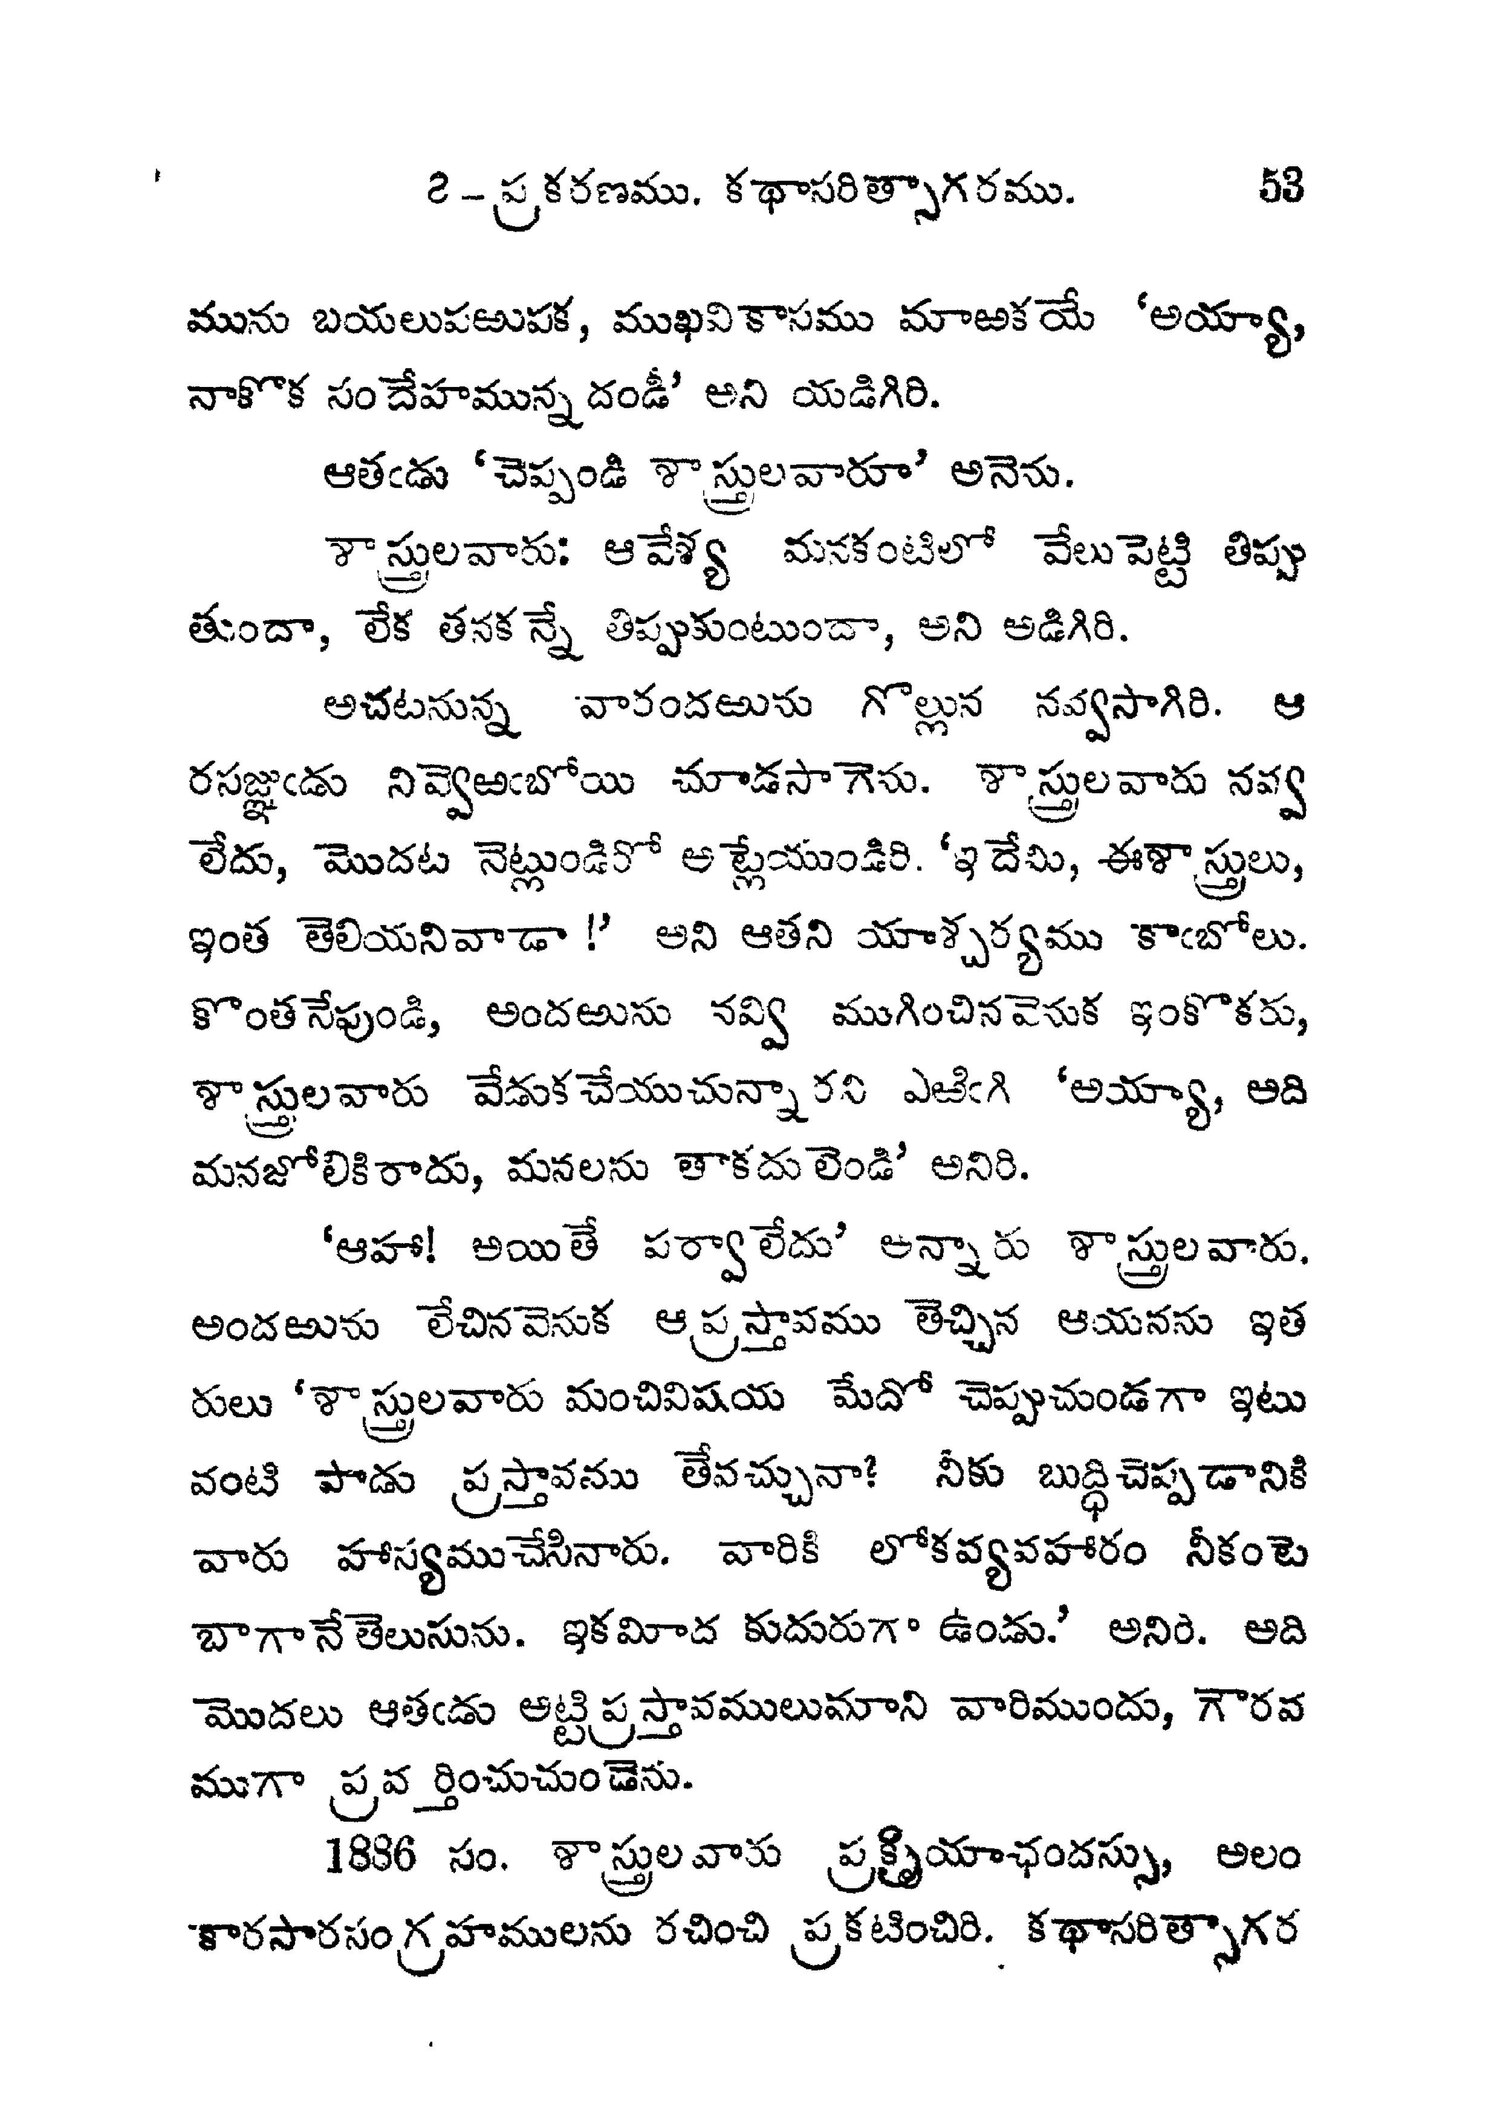మును బయలుపఱుపక, ముఖవికాసము మాఱకయే 'అయ్యా, నాకొక సందేహమున్నదండీ' అని యడిగిరి.

ఆతడు 'చెప్పండి శాస్త్రులవారూ' అనెను.

శాస్త్రులవారు: ఆవేశ్య మనకంటిలో వేలుపెట్టి తిప్పుతుందా, లేక తనకన్నే తిప్పుకుంటుందా, అని అడిగిరి.

అచటనున్న వారందఱును గొల్లున నవ్వసాగిరి. ఆ రసజ్ఞుడు నివ్వెఱబోయి చూడసాగెను. శాస్త్రులవారు నవ్వలేదు, మొదట నెట్లుండిరో అట్లేయుండిరి. 'ఇదేమి, ఈశాస్త్రులు, ఇంత తెలియనివాడా!' అని ఆతని యాశ్చర్యము కాబోలు. కొంతసేపుండి, అందఱును నవ్వి ముగించినవెనుక ఇంకొకరు, శాస్త్రులవారు వేడుకచేయుచున్నారని ఎఱిగి 'అయ్యా, అది మనజోలికిరాదు, మనలను తాకదులెండి' అనిరి.

'ఆహా! అయితే పర్వాలేదు' అన్నారు శాస్త్రులవారు. అందఱును లేచినవెనుక ఆప్రస్తావము తెచ్చిన ఆయనను ఇతరులు 'శాస్త్రులవారు మంచివిషయ మేదో చెప్పుచుండగా ఇటువంటి పాడు ప్రస్తావము తేవచ్చునా? నీకు బుద్ధి చెప్పడానికి వారు హాస్యముచేసినారు. వారికి లోకవ్యవహారం నీకంటె బాగానేతెలుసును. ఇకమీద కుదురుగా ఉండు.' అనిరి. అది మొదలు అతడు అట్టిప్రస్తావములుమాని వారిముందు, గౌరవముగా ప్రవర్తించుచుండెను.

1886 సం. శాస్త్రులవారు ప్రక్రియాఛందస్సు, అలంకారసారసంగ్రహములను రచించి ప్రకటించిరి. కథాసరిత్సాగర